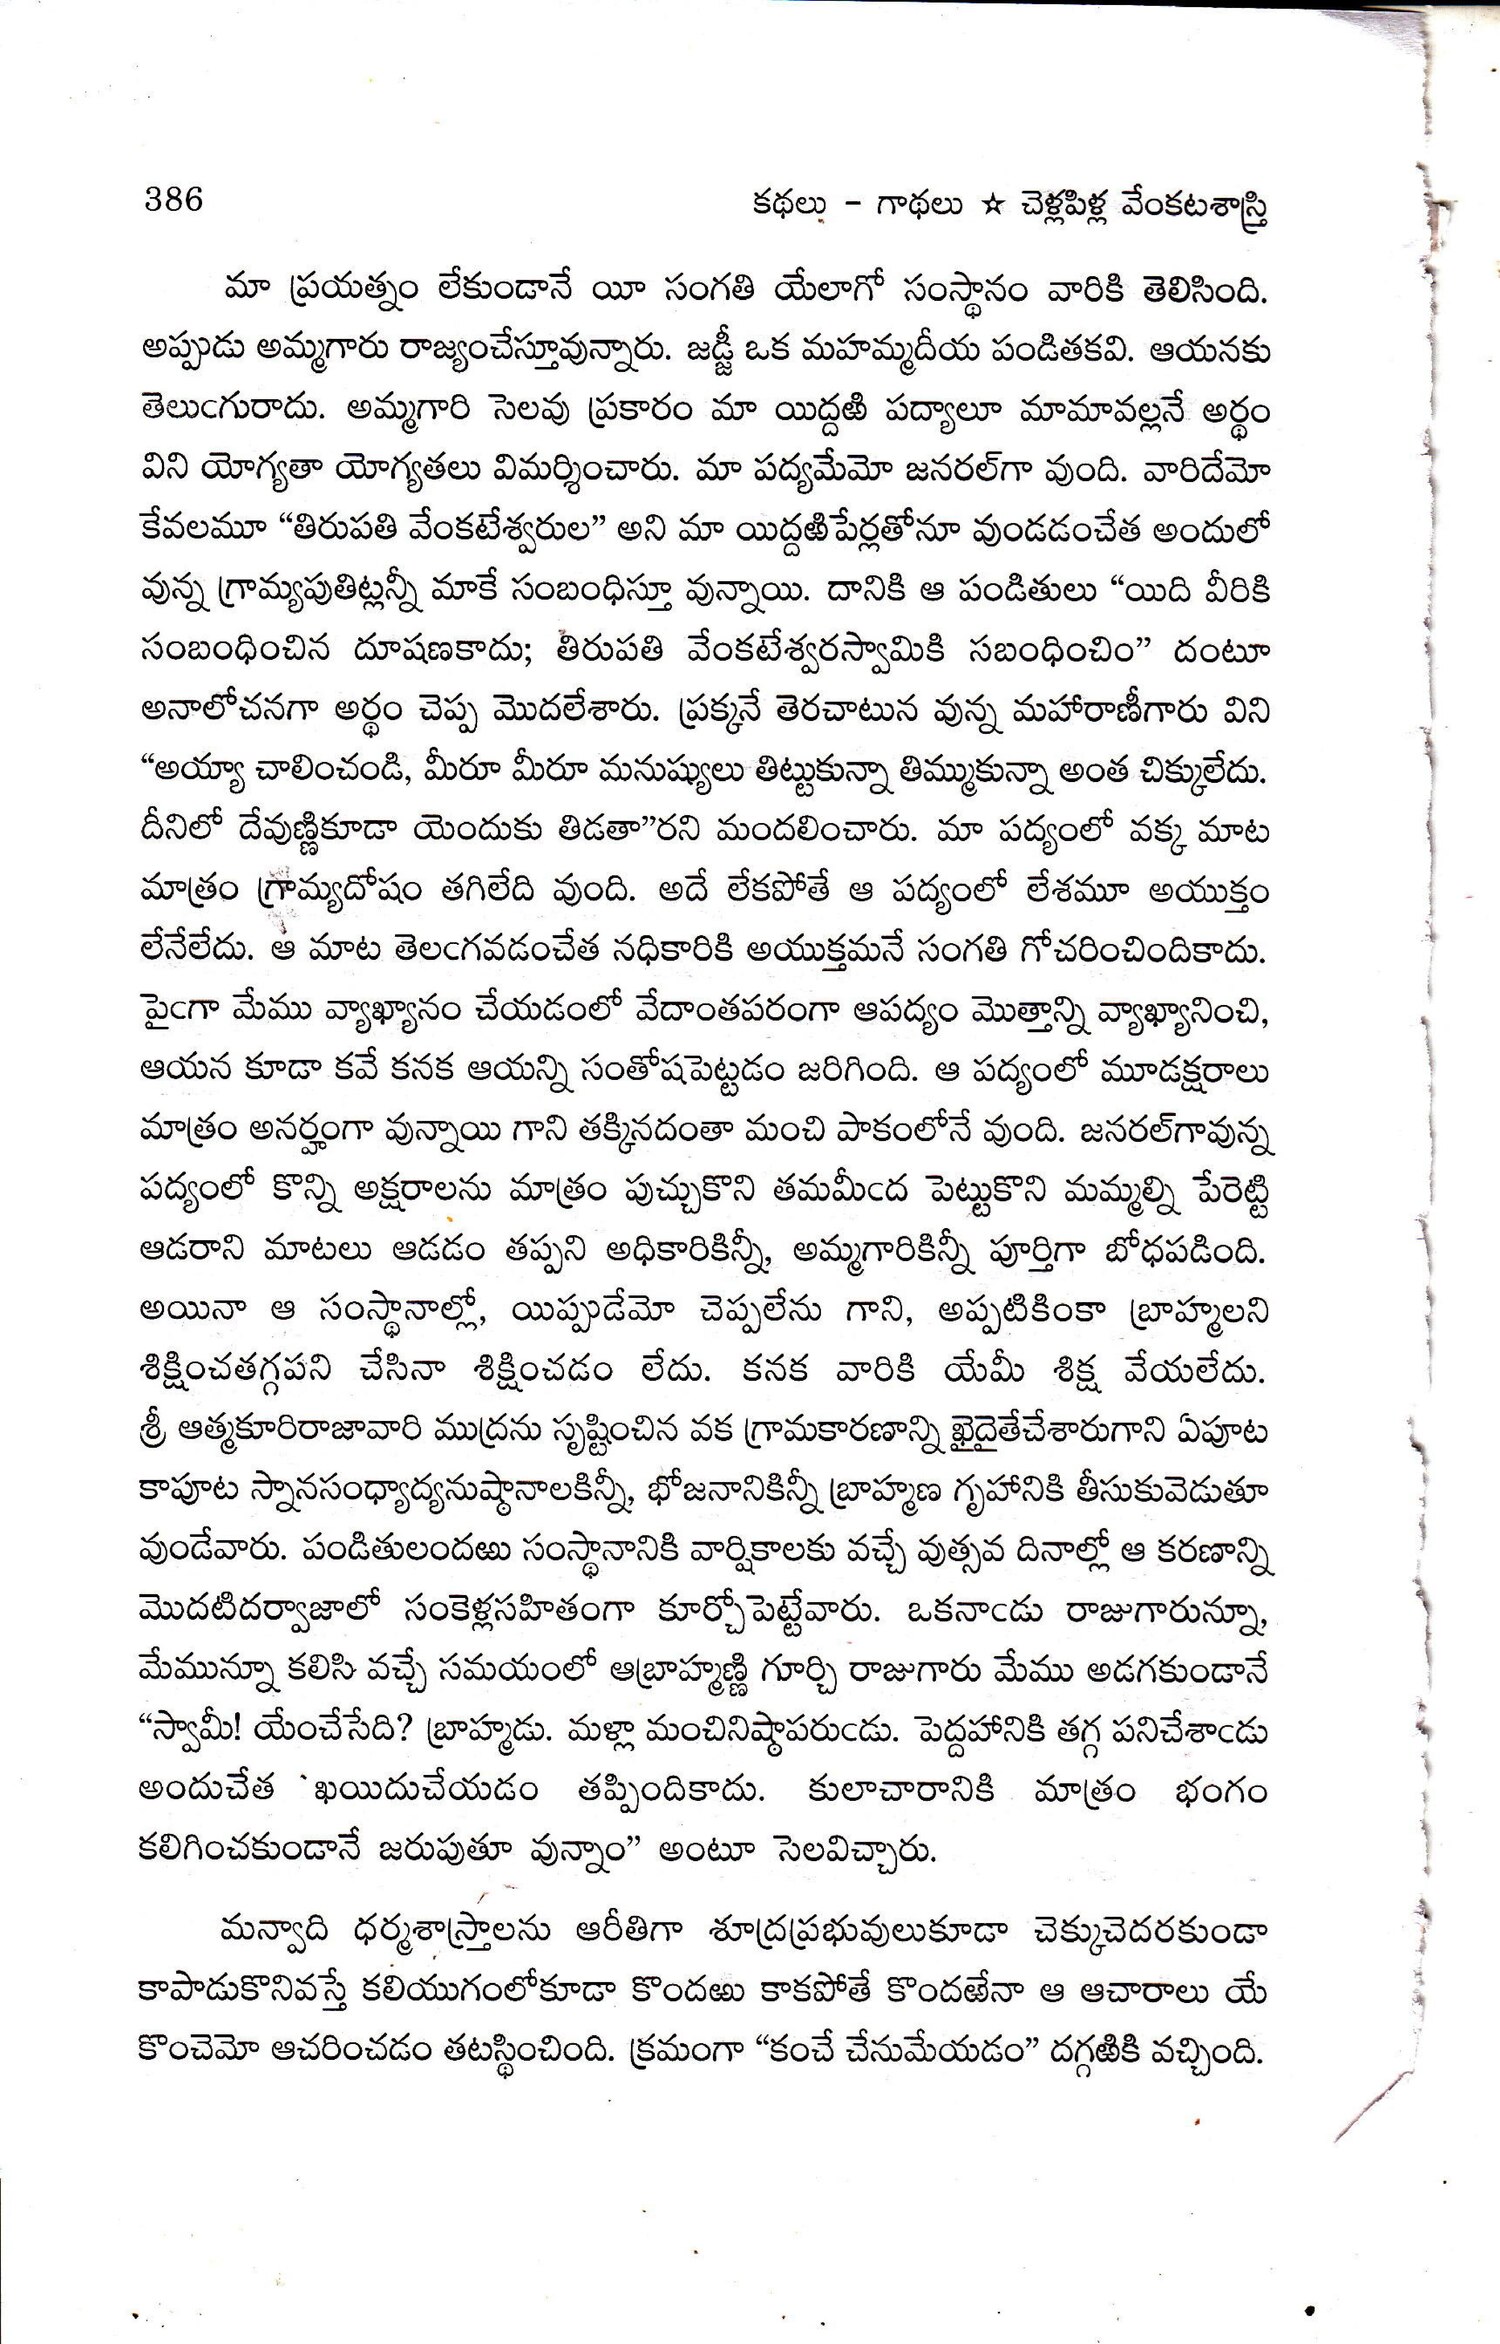మా ప్రయత్నం లేకుండానే యీ సంగతి యేలాగో సంస్థానం వారికి తెలిసింది. అప్పుడు అమ్మగారు రాజ్యంచేస్తూవున్నారు. జడ్జీ ఒక మహమ్మదీయ పండితకవి. ఆయనకు తెలుఁగురాదు. అమ్మగారి సెలవు ప్రకారం మా యిద్దఱి పద్యాలూ మామావల్లనే అర్థం విని యోగ్యతా యోగ్యతలు విమర్శించారు. మా పద్యమేమో జనరల్‌గా వుంది. వారిదేమో కేవలమూ "తిరుపతి వేంకటేశ్వరుల” అని మా యిద్దఱిపేర్లతోనూ వుండడంచేత అందులో వున్న గ్రామ్యపుతిట్లన్నీ మాకే సంబంధిస్తూ వున్నాయి. దానికి ఆ పండితులు “యిది వీరికి సంబంధించిన దూషణకాదు; తిరుపతి వేంకటేశ్వరస్వామికి సబంధించిం” దంటూ అనాలోచనగా అర్థం చెప్ప మొదలేశారు. ప్రక్కనే తెరచాటున వున్న మహారాణీగారు విని "అయ్యా చాలించండి, మీరూ మీరూ మనుష్యులు తిట్టుకున్నా తిమ్ముకున్నా అంత చిక్కులేదు. దీనిలో దేవుణ్ణికూడా యెందుకు తిడతా"రని మందలించారు. మా పద్యంలో వక్క మాట మాత్రం గ్రామ్యదోషం తగిలేది వుంది. అదే లేకపోతే ఆ పద్యంలో లేశమూ అయుక్తం లేనేలేదు. ఆ మాట తెలఁగవడంచేత నధికారికి అయుక్తమనే సంగతి గోచరించిందికాదు. పైఁగా మేము వ్యాఖ్యానం చేయడంలో వేదాంతపరంగా ఆపద్యం మొత్తాన్ని వ్యాఖ్యానించి, ఆయన కూడా కవే కనక ఆయన్ని సంతోషపెట్టడం జరిగింది. ఆ పద్యంలో మూడక్షరాలు మాత్రం అనర్హంగా వున్నాయి గాని తక్కినదంతా మంచి పాకంలోనే వుంది. జనరల్‌గావున్న పద్యంలో కొన్ని అక్షరాలను మాత్రం పుచ్చుకొని తమమీఁద పెట్టుకొని మమ్మల్ని పేరెట్టి ఆడరాని మాటలు ఆడడం తప్పని అధికారికిన్నీ అమ్మగారికిన్నీ పూర్తిగా బోధపడింది. అయినా ఆ సంస్థానాల్లో, యిప్పుడేమో చెప్పలేను గాని, అప్పటికింకా బ్రాహ్మలని శిక్షించతగ్గపని చేసినా శిక్షించడం లేదు. కనక వారికి యేమీ శిక్ష వేయలేదు. శ్రీ ఆత్మకూరిరాజావారి ముద్రను సృష్టించిన వక గ్రామకారణాన్ని ఖైదైతేచేశారుగాని ఏపూట కాపూట స్నానసంధ్యాద్యనుష్టానాలకిన్నీ భోజనానికిన్నీ బ్రాహ్మణ గృహానికి తీసుకువెడుతూ వుండేవారు. పండితులందఱు సంస్థానానికి వార్షికాలకు వచ్చే వుత్సవ దినాల్లో ఆ కరణాన్ని మొదటిదర్వాజాలో సంకెళ్లసహితంగా కూర్చోపెట్టేవారు. ఒకనాఁడు రాజుగారున్నూ, మేమున్నూ కలిసి వచ్చే సమయంలో ఆబ్రాహ్మణ్ణి గూర్చి రాజుగారు మేము అడగకుండానే "స్వామీ! యేంచేసేది? బ్రాహ్మడు. మళ్లా మంచినిష్టాపరుఁడు. పెద్దహానికి తగ్గ పనిచేశాఁడు అందుచేత ఖయిదుచేయడం తప్పిందికాదు. కులాచారానికి మాత్రం భంగం కలిగించకుండానే జరుపుతూ వున్నాం" అంటూ సెలవిచ్చారు.

మన్వాది ధర్మశాస్త్రాలను ఆరీతిగా శూద్రప్రభువులుకూడా చెక్కుచెదరకుండా కాపాడుకొనివస్తే కలియుగంలోకూడా కొందఱు కాకపోతే కొందఱేనా ఆ ఆచారాలు యే కొంచెమో ఆచరించడం తటస్థించింది. క్రమంగా "కంచే చేనుమేయడం" దగ్గఱికి వచ్చింది.